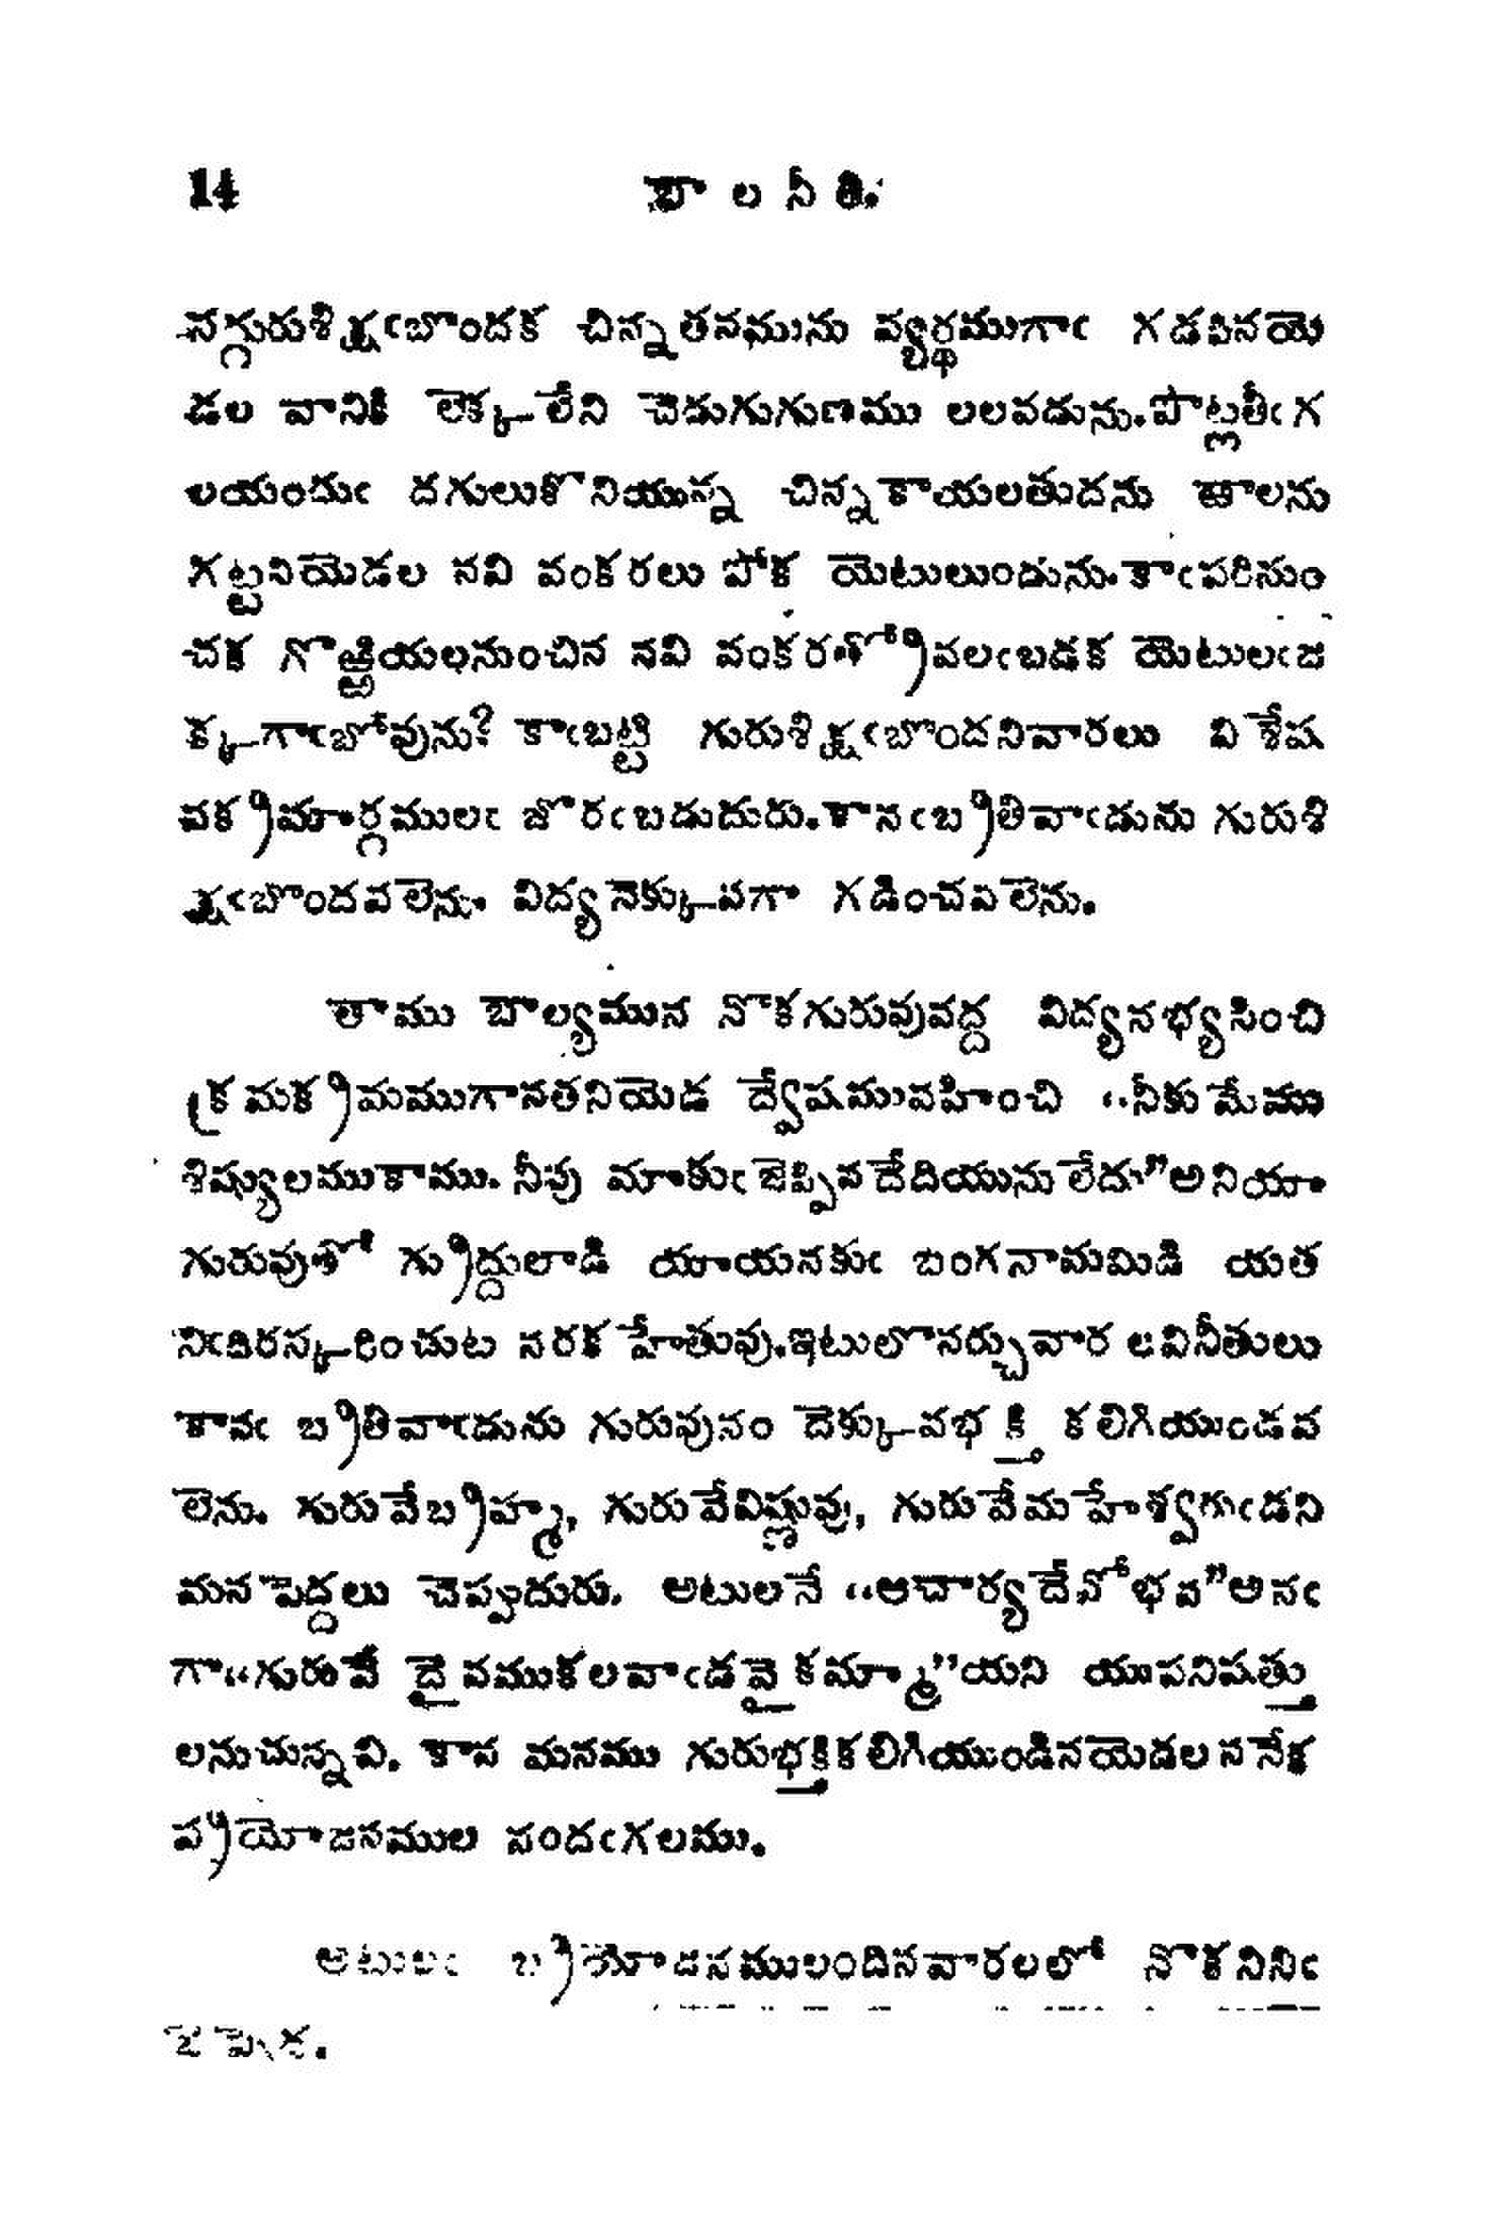సద్గురుశిక్షఁబొందక చిన్నతనమును వ్యర్దముగాఁ గడపినయె
డల వానికి లెక్కలేని చెడుగుగుణము లలవడును. పొట్లతీఁగ 
లయందుఁ దగులుకొనియున్న చిన్నకాయలతుదను ఱాలను 
గట్టనియెడల నవి వంకరలు పోక యెటులుండును. కాఁపరినుం
చక గొఱ్ఱెయలనుంచిన నవి వంకరత్రోవలఁబడక యెటులఁజ
క్కగాఁబోవును? కాఁబట్టి గురుశిక్షఁబొందనివారలు విశేష
వక్రమార్గములఁ జొరఁబడుదురు. కానఁబ్రతివాఁడును గురుశి
క్షఁబొందవలెను. విద్యనెక్కువగా గడించవలెను.

తాము బాల్యమున నొకగురువువద్ద విద్యనభ్యసించి 
క్రమక్రమముగానతినియెడ ద్వేషమువహించి "నీకు మేము 
శిష్యులముకాము. నీవు మాకుఁజెప్పినదేదియునులేదు" అనియా 
గురువుతో గ్రుద్దులాడి యాయనకుఁ బంగనామమిడి యత
నిఁదిరస్కరించుట నరక హేతువు. ఇటులొనర్చువార లవినీతులు 
కానఁ బ్రతివాఁడును గురువునం దెక్కువభక్తి కలిగియుండవ
లెను. గురువేబ్రహ్మ, గురువేవిష్ణువు, గురువేమహేశ్వరుఁడని 
మనపెద్దలు చెప్పుదురు. అటులనే "ఆచార్యదేవోభవ"అనఁ
గా "గురువే దైవముకలవాఁడవైకమ్మా"యని యుపనిషత్తు
లనుచున్నవి. కాన మనము గురుభక్తికలిగియుండినయెడల ననేక 
ప్రయోజనముల నందగలము.

అటులఁ బ్రయోజనములందినవారలలో నొకనినిఁ 
జెప్పెద.